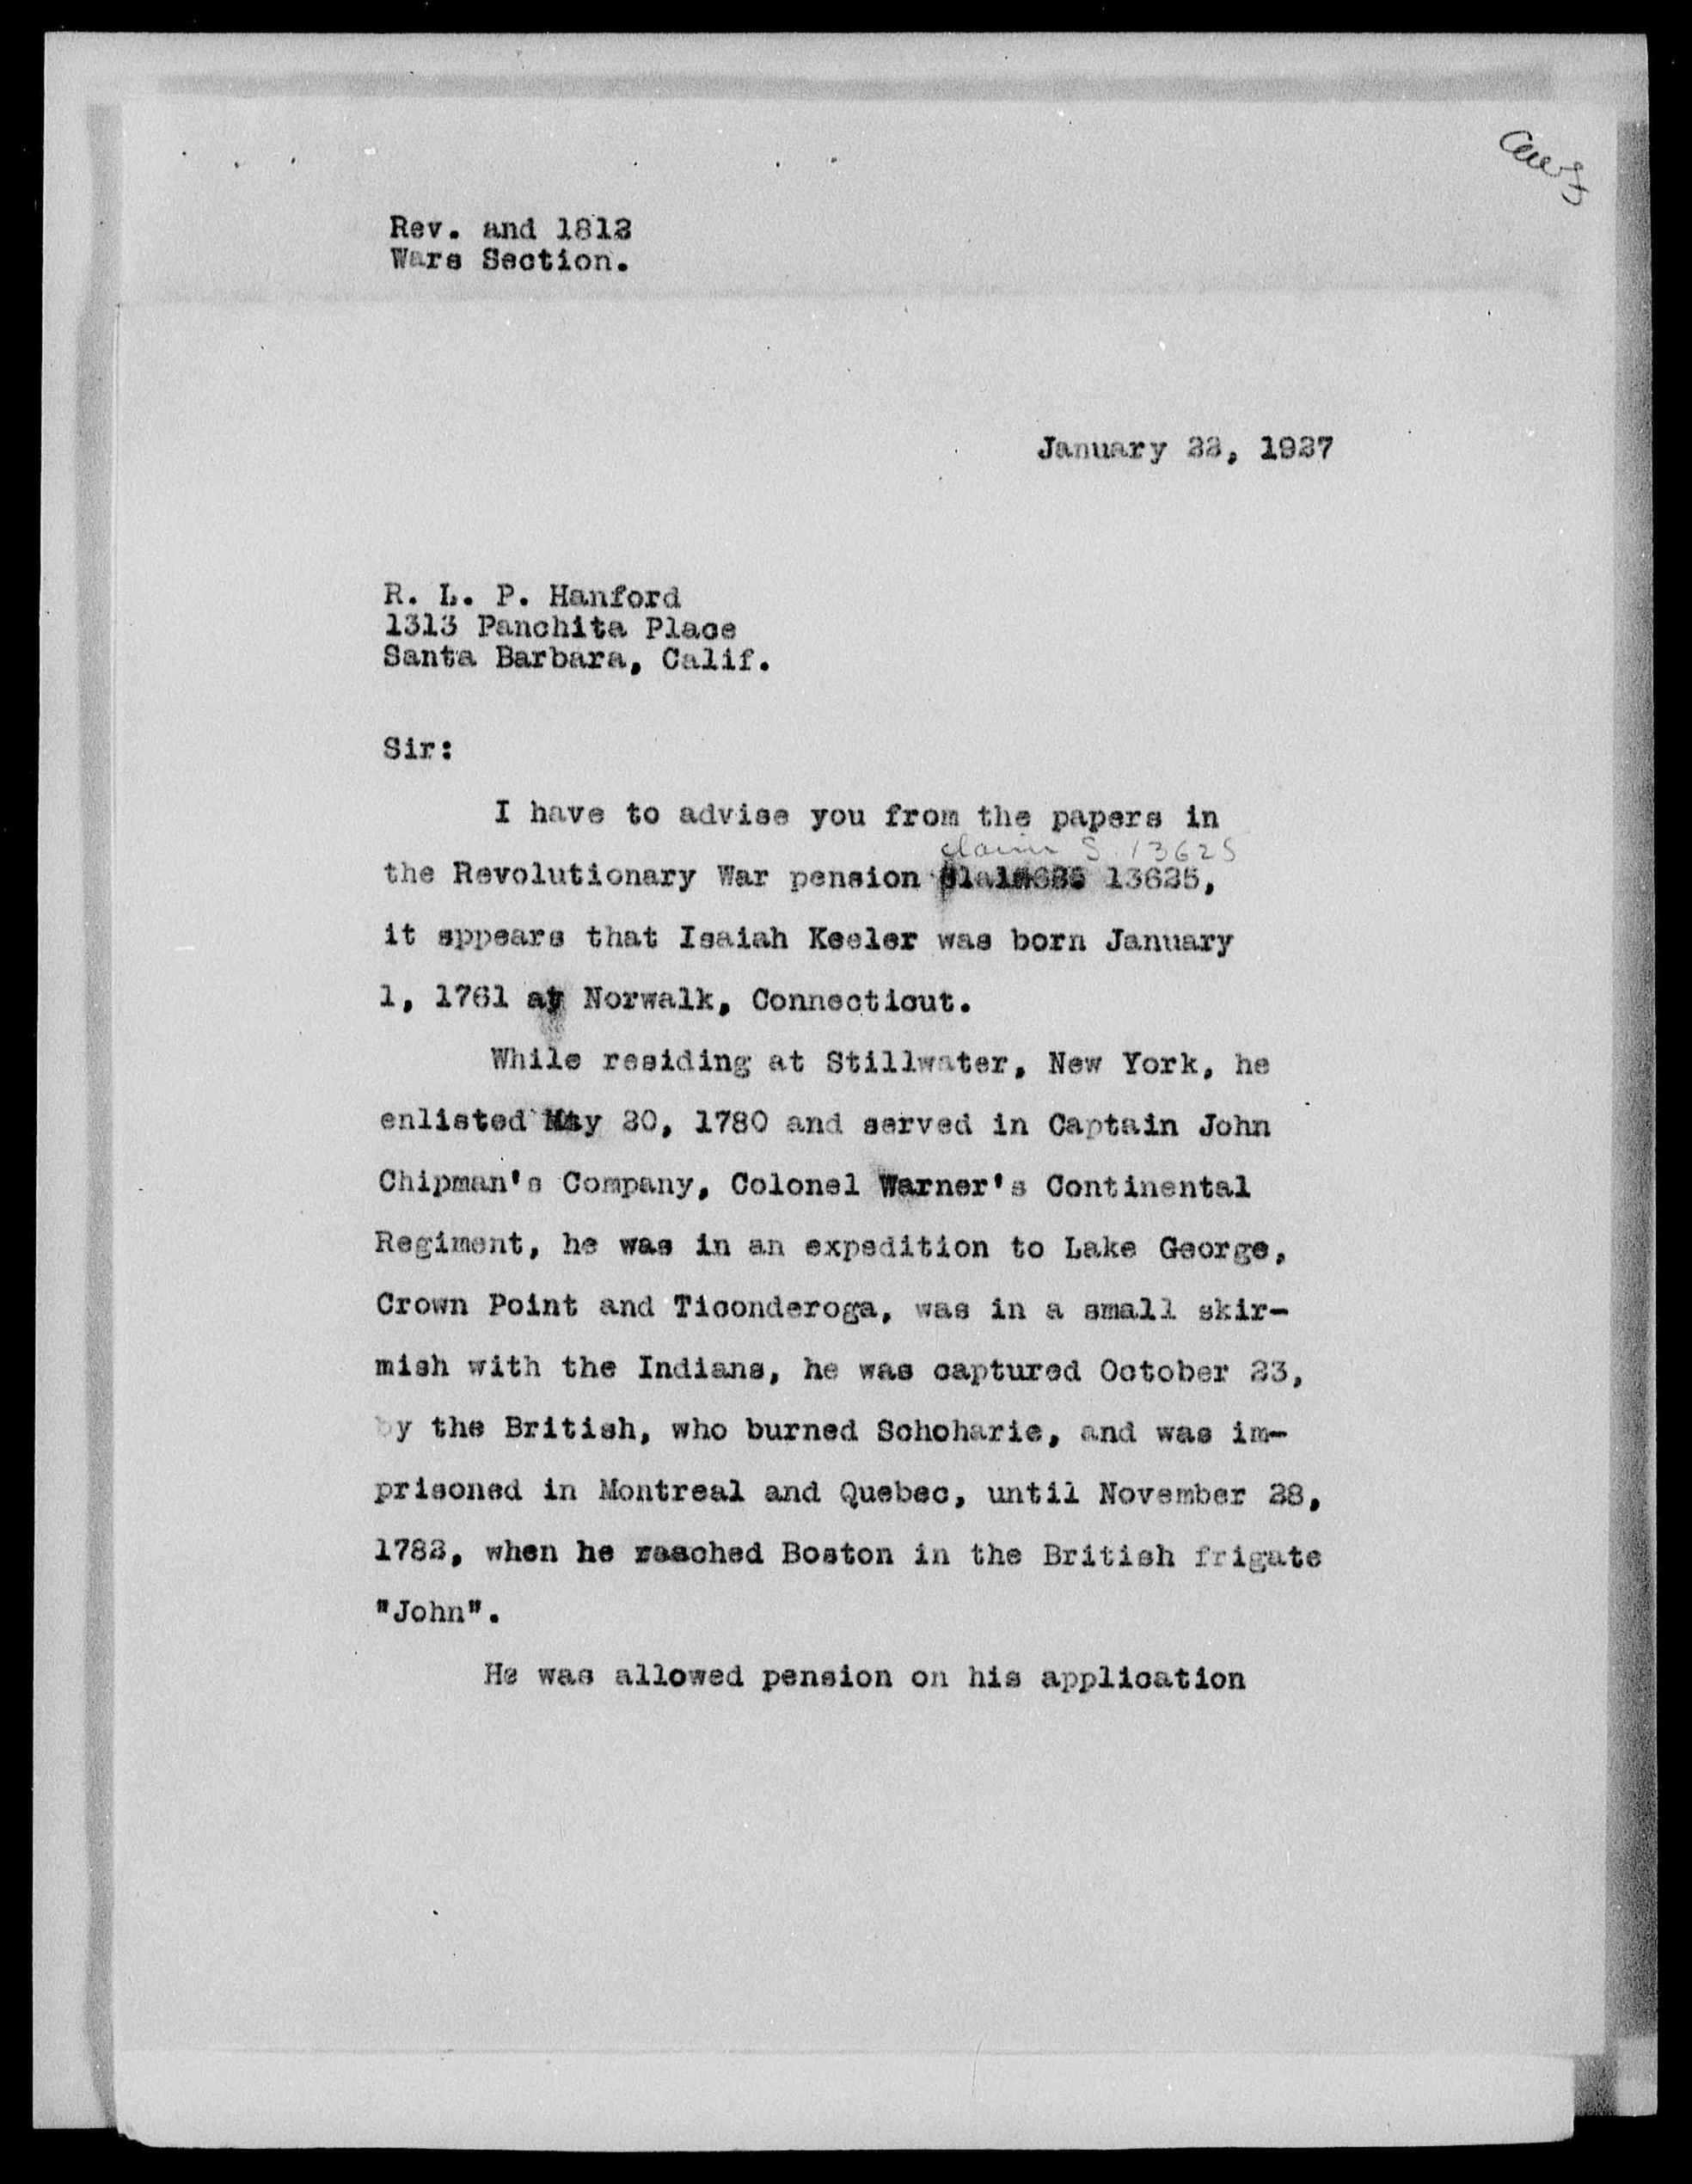Rev. and 1812
Wars Section.

January 23, 1937

R. L. P. Hanford
1313 Panchita Place
Santa Barbara, Calif.

Sir:
I have to advise you from the papers in the Revolutionary War pension claim S. 13625, it appears that Isaiah Keeler was born January 1, 1761 at Norwalk, Connecticut. 
While residing at Stillwater, New York, he enlisted May 20, 1780 and served in Captain John Chipman's Company, Colonel Warner's Continental Regiment, he was in an expedition to Lake George, Crown Point and Ticonderoga, was in a small skirmish with the Indians, he was captured October 23, by the British, who burned Schoharie, and was imprisoned in Montreal and Quebec, until November 28, 1782, when he reached Boston in the British frigate "John". 
He was allowed pension on his application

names: Isaiah Keeler; R L P Hanford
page: 16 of 26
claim: survivor's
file: S. 13,625, for Isaiah Keeler, New York